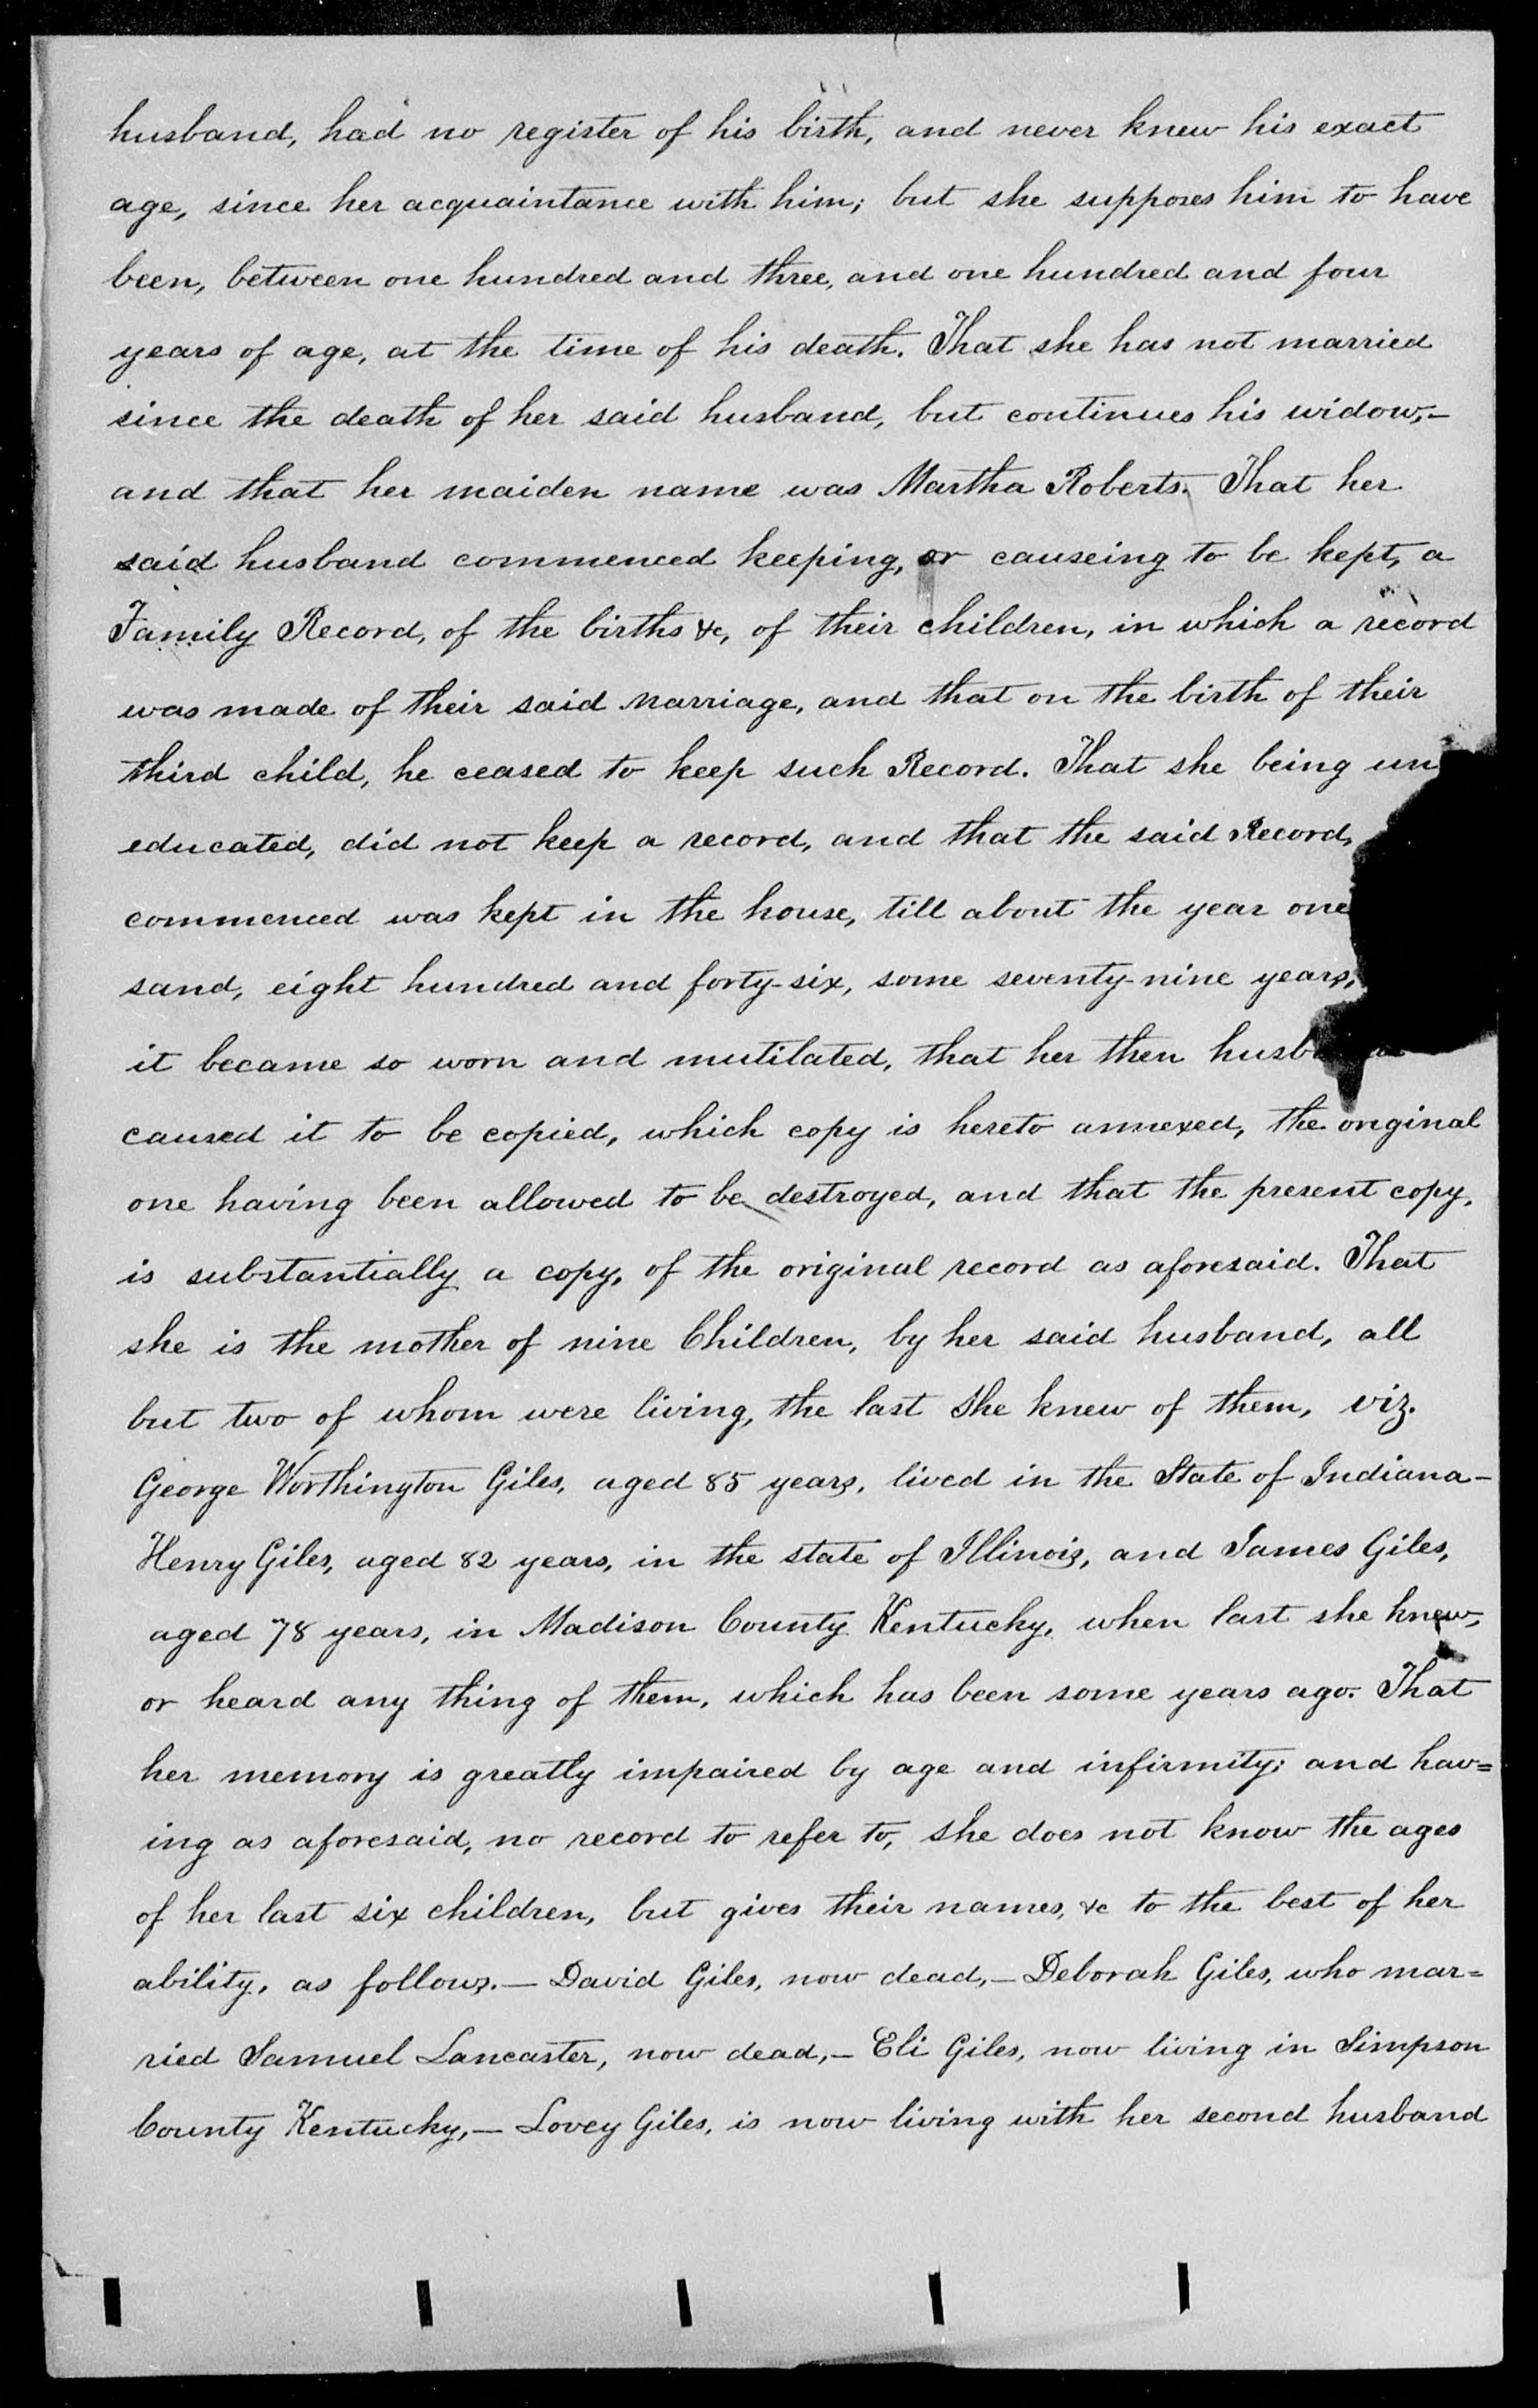husband, had no register of his birth, and never knew his exact age, since her acquaintance with him; but she supposes him to have been, between one hundred and three, and one hundred and four years of age, at the time of his death. That she has not married since the death of her said husband, but continues his widow, and that her maiden name was Martha Roberts. That her said husband commenced keeping, or causing to be kept a Family Record of the birth of their children, in which a record was made of their said marriage, and that on the birth of their third child, he ceased to keep such Record. That she being uneducated, did not keep a record, and that the said record [missing] commenced was kept in the house till about the year one thousand, eight hundred and forty-six, some seventy-nine years, [missing] it became so worn and mutilated, that her then husband caused it to be copied, which copy is hereto annexed, the original one having been allowed to be destroyed, and that the present copy, is substantially a copy, of the original record as aforesaid. That she is the mother of nine children, by her said husband, all but two of whom were living, the last she knew of them, viz. George Worthington Giles, aged 85 years, lived in the State of Indiana, Henry Giles, aged 82 years, in the State of Illinois, and James Giles, aged 78 years, in Madison County Kentucky, when last she knew, or heard any thing of them, which has been some years ago. That her memory is greatly impaired by age and infirmity; and having as aforesaid, no record to refer to, she does not know the ages of her last six children, but gives their names to the best of her ability, as follows. - David Giles, now dead, -
Deborah Giles, who married Samuel Lancaster, now dead, - Eli Giles, now living in Simpson County Kentucky, - Lovey Giles, is now living with her second husband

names: Eli Giles, James Giles, Lovey Giles, Henry Giles, Samuel Lancaster, Deborah Giles, Martha Roberts, George Worthington Giles, David Giles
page: 21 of 82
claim: widow's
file: W. 7,522, John Giles, N.C.